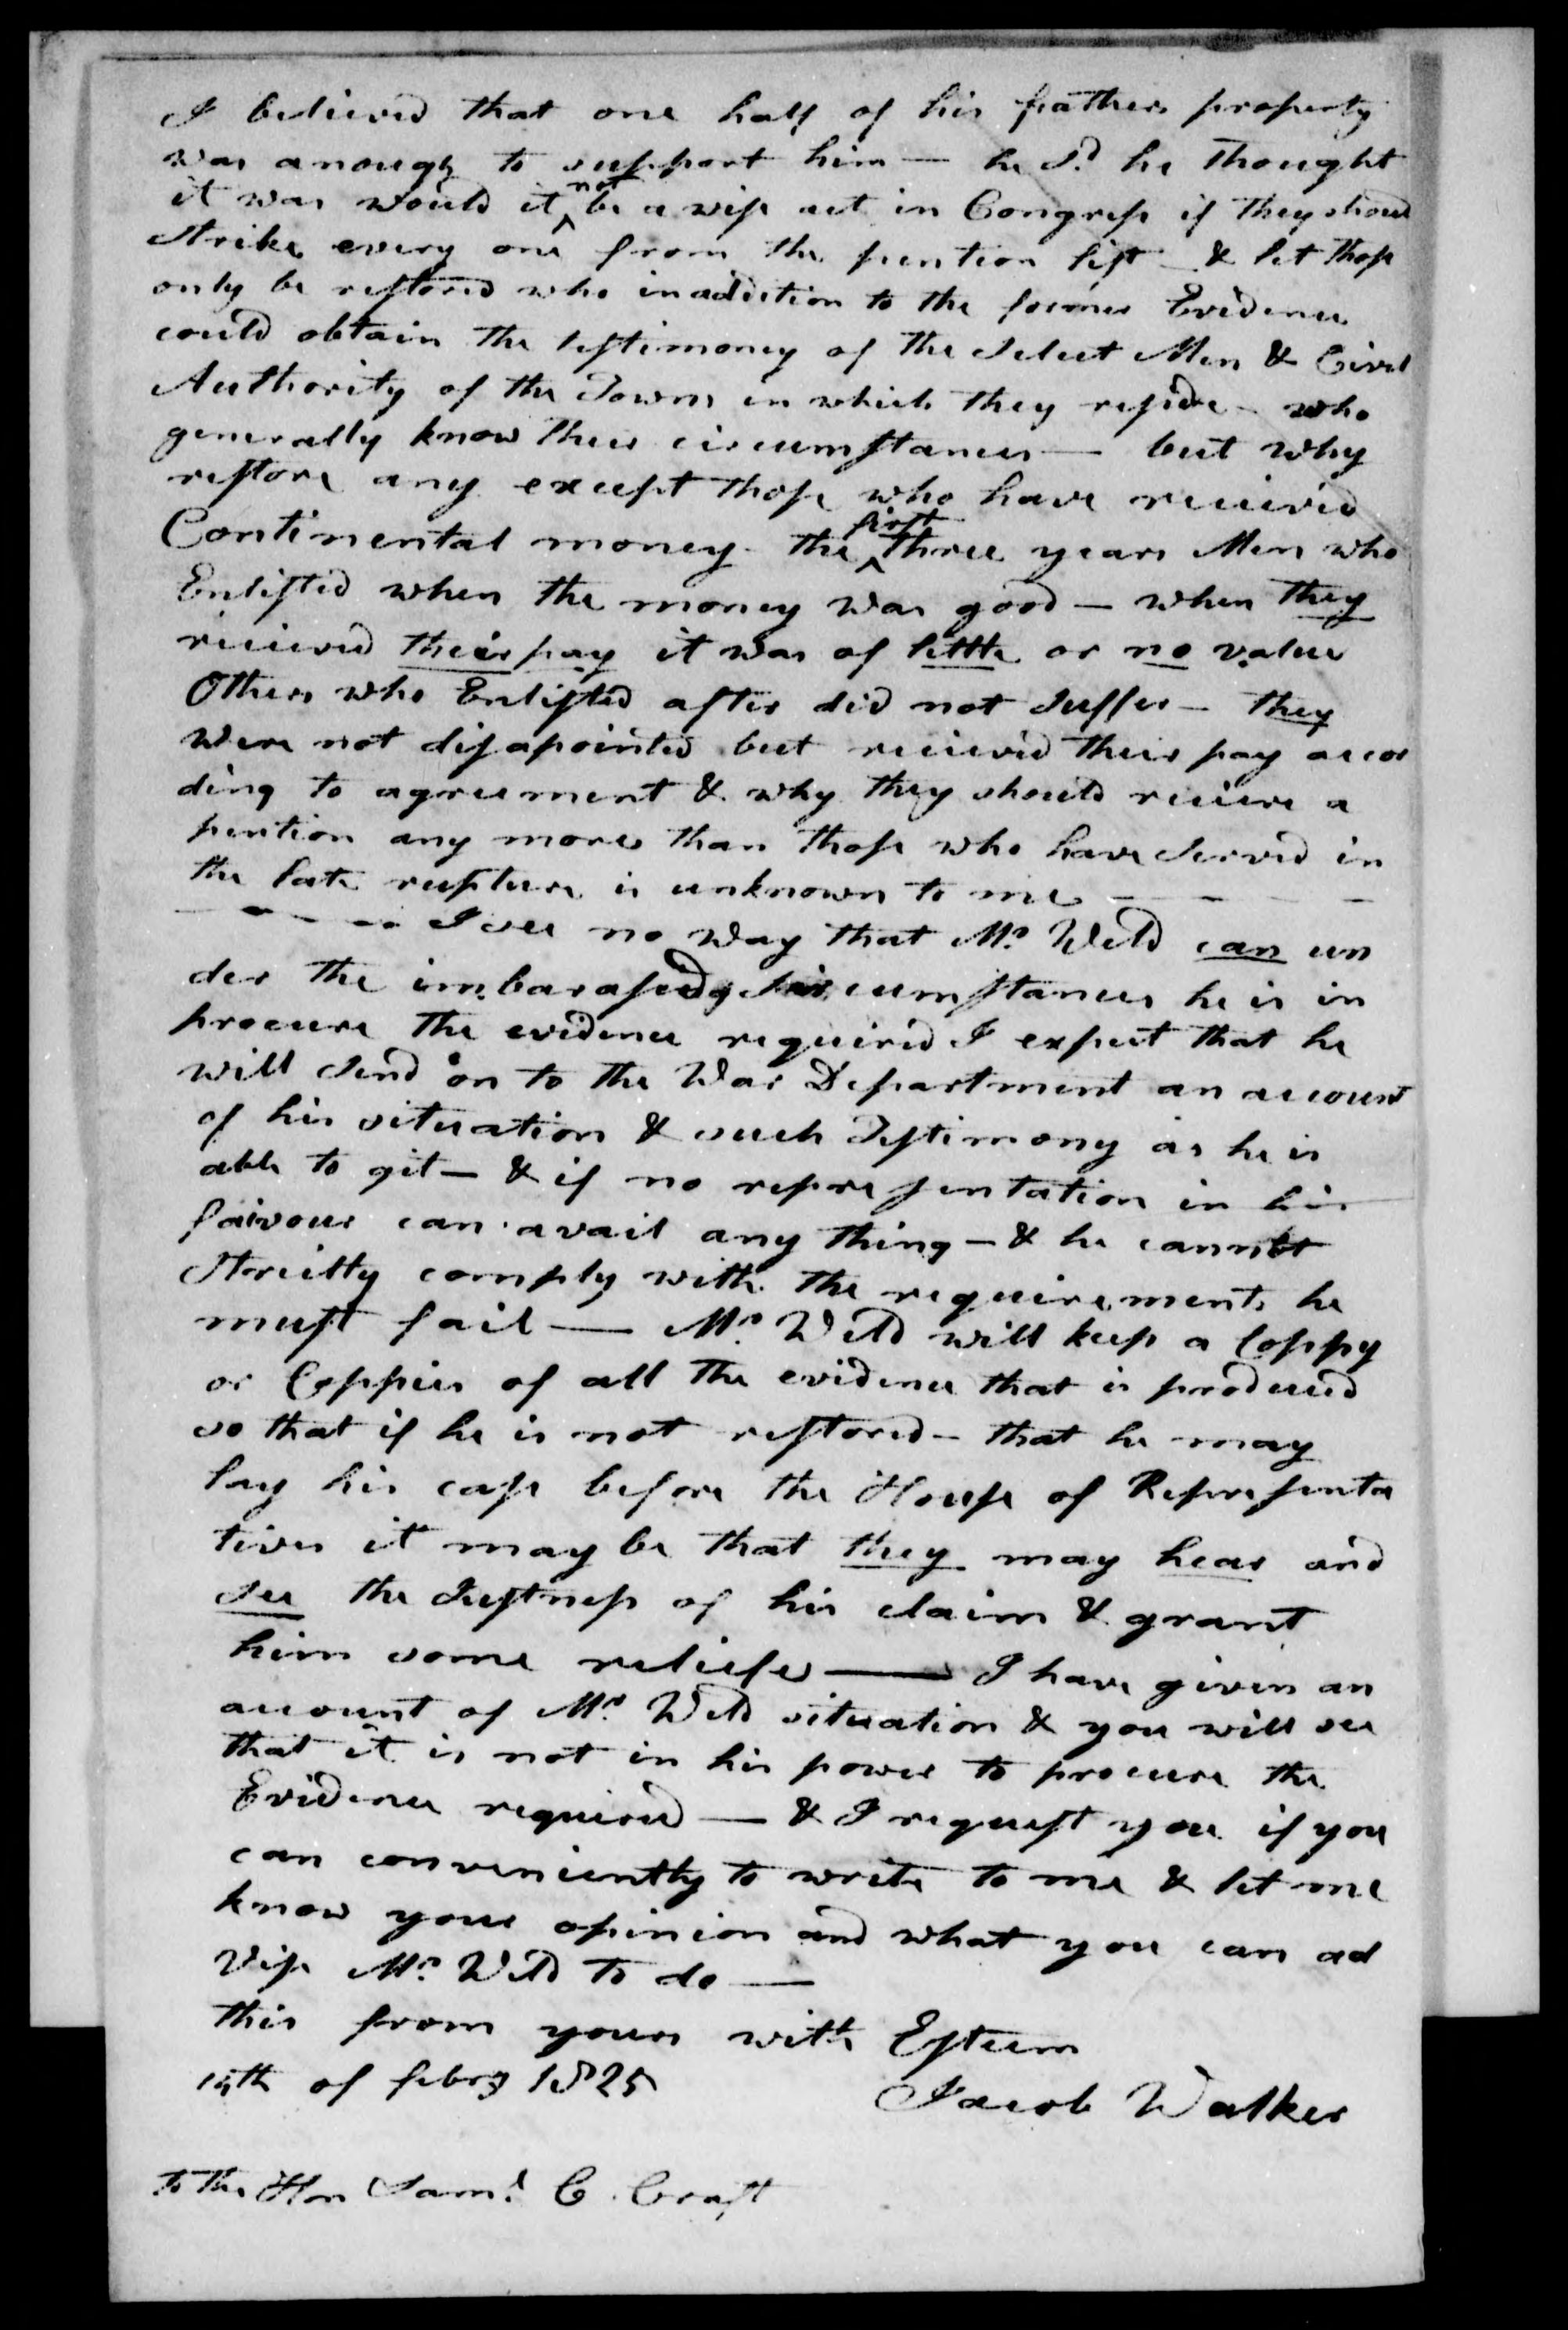I believed that one half of his father's property
was enough to support him-  he s.d he thought it was would it ^not be a wife[wise?] act in Congress if they should Strike every one from the pension list- & let those only be restored who in addition to the former evidence could obtain the testimony of the Select Men & Civil Authority of the Town in which they reside who generally know their circumstances-- but why restore any except those who have received Continental money- the ^first three years Men who Enlisted when the money was good-- when they received their pay it was of little or no value
Others who enlisted after did not suffer, they
were not disappointed but received their pay according to agreement & why they should receive a pension any more than those who have served in the Poste rupture is unknown to me--
I see no way that Mr. Weld can under the embarrassed circumstances he is in procure the evidence required I expect that he
will send on to the War Department an account of his situation & such Testimony as he is able to get- & if no representation in his favor can avail any thing- & he cannot
strictly comply with the requirements he
must fail-- Mr Weld will keep a Coppy
or coppies of all the evidence that is produced
so that if he is not restored-- that he may
by his case before the House of Representatives it may be that they may hear and see the witness of his claim & grant
him some relief - I have given an account of Mr Weld situation & you will see that it is not in his power to procure the Evidence required- & I request you if you
conveniently to write to me & let me
know your opinion and what you can advise Mr. Weld to do-
this from yours with Esteem
Jacob Walker
14th of Febry 1825
To the Hon Saml C. Craft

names: Weld, Jacob Walker, Saml C Craft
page: 44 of 87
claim: widow's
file: W. 25,966, Moses Weld, Mass.